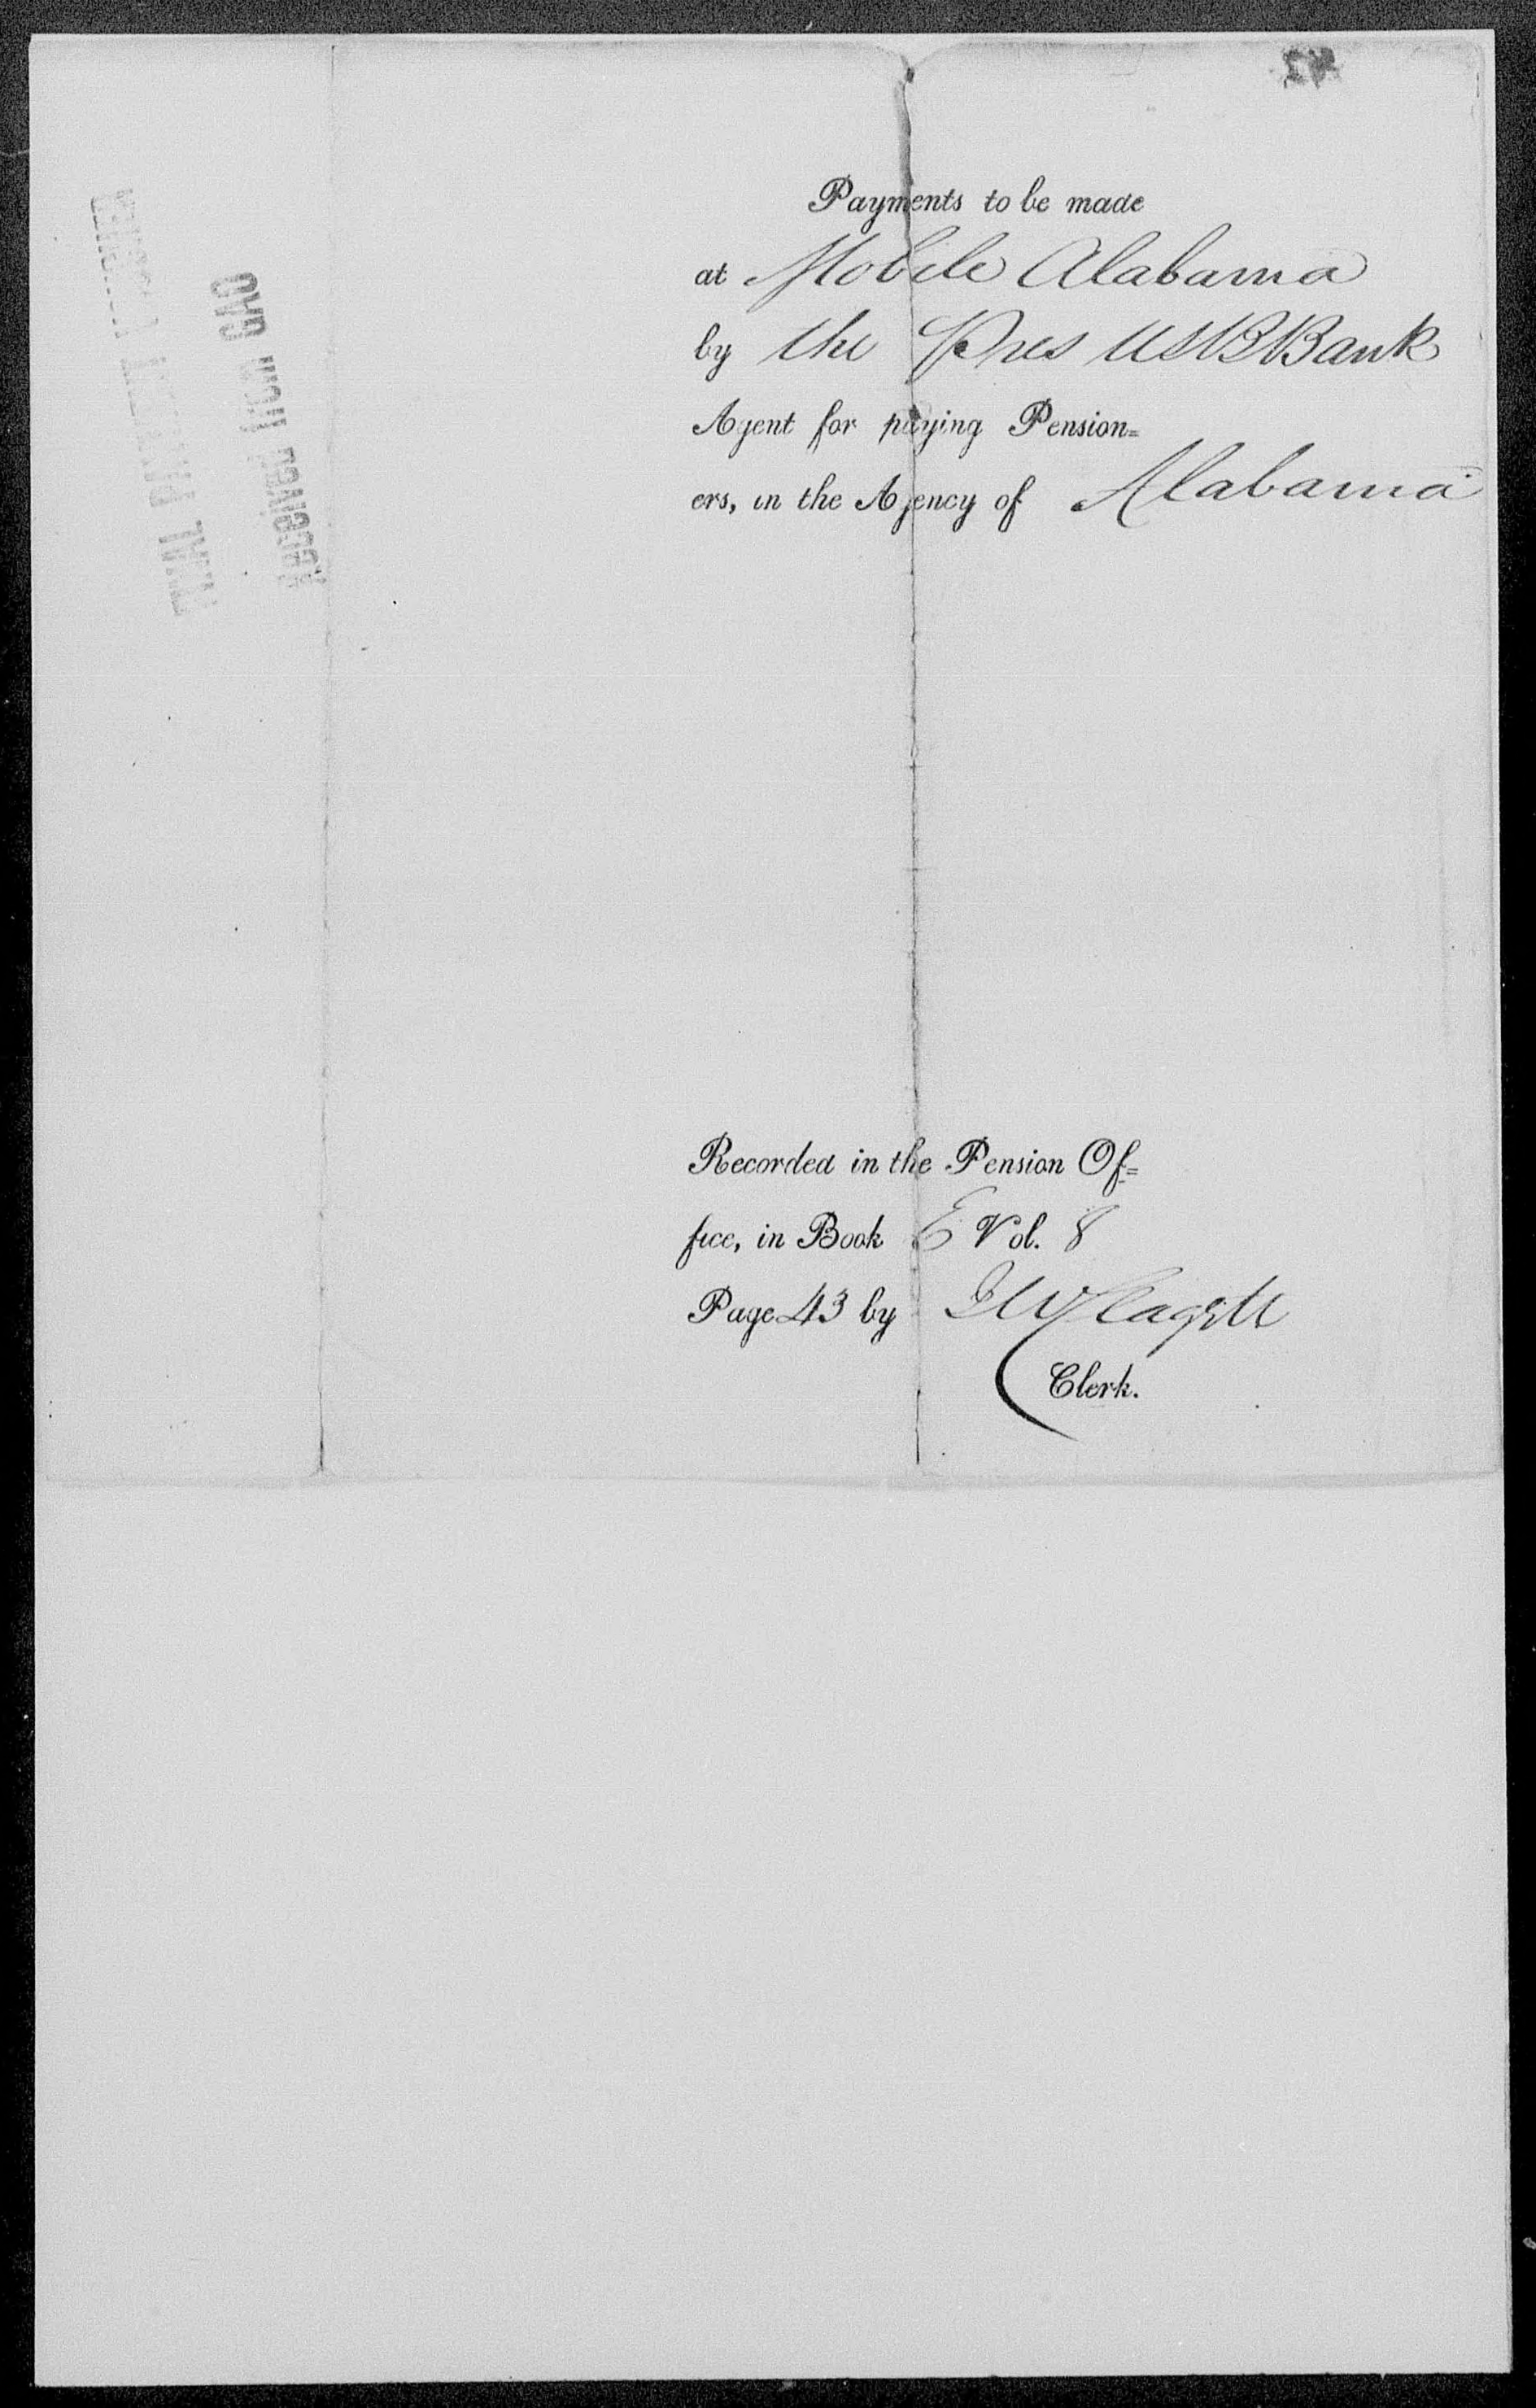Payments to be made at Mobile Alabama by the Pres [illegible] Bank Agent for paying Pensioners in the Agency of Alabama
Recorded in the Pension Office in Book Vol. 8 Page 43 by [illegible] Clerk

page: 12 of 35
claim: survivor's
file: S. 32092, Asa Alexander, Ga.